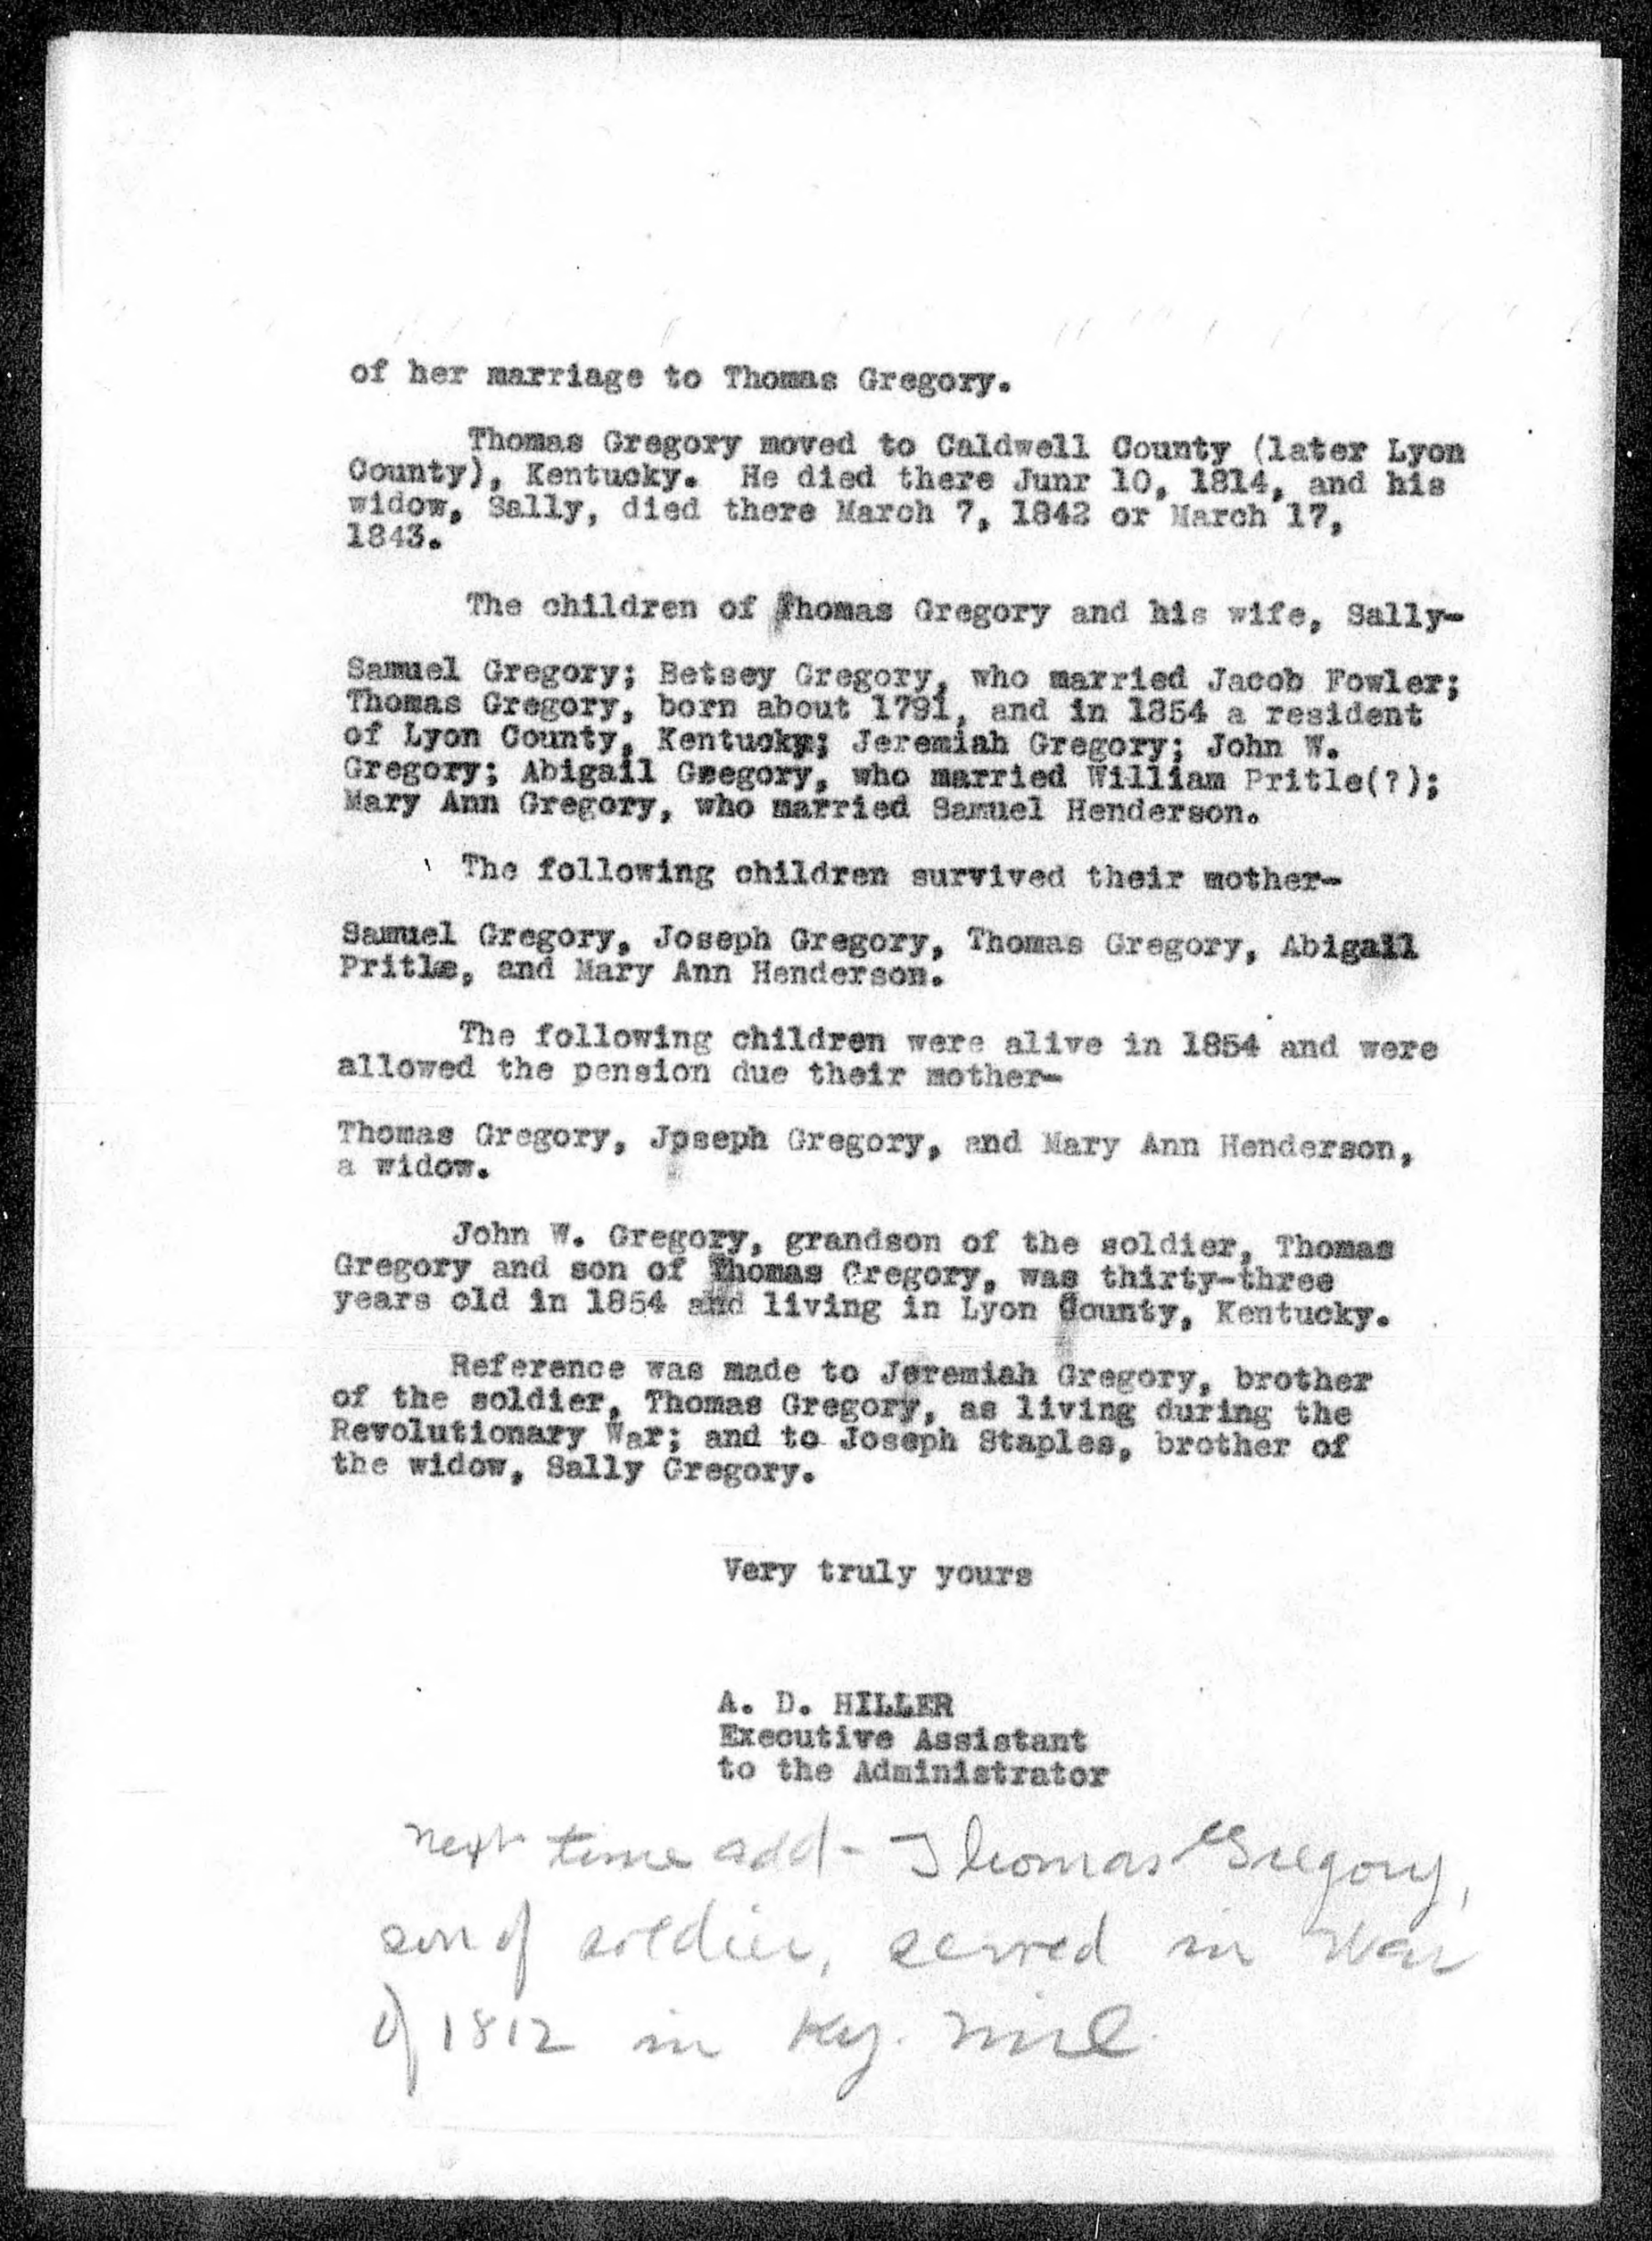of her marriage to Thomas Gregory.
Thomas Gregory moved to Caldwell County (later Lyon County), Kentucky. He died there June 10, 1814, and his widow, Sally, died there March 7, 1842 or March 17, 1843.
The children of Thomas Gregory and his wife, Sally-
Samuel Gregory; Betsey Gregory, who married Jacob Fowler; Thomas Gregory, born about 1791, and in 1854 a resident of Lyon County, Kentucky; Jeremiah Gregory; John W. Gregory; Abigail Gregory, who married William Pritle (?); Mary Ann Gregory, who married Samuel Henderson. 
The following children survived their mother-
Samuel Gregory, Joseph Gregory, Thomas Gregory, Abigail Pritle, and Mary Ann Henderson.
The following children were alive in 1854 and were allowed the pension due their mother
Thomas Gregory, Joseph Gregory, and Mary Ann Henderson, a widow.
John W. Gregory, grandson of the soldier, Thomas Gregory and son of Thomas Gregory, was thirty-three years old in 1854 and living in Lyon County, Kentucky.
Reference was made to Jeremiah Gregory, brother of the soldier, Thomas Gregory, as living during the Revolutionary War; and to Joseph Staples, brother of the widow, Sally Gregory.
Very truly yours
A. D. HILLER
Executive Assistant
to the Administrator
next time add-Thomas Gregory
son of soldier, served in War
of 1812 in Ky. mil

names: Abigail Gregory, Sally Gregory, William Pritle, Betsey Gregory, A D Hiller, Jeremiah Gregory, Joseph Gregory, John W Gregory, Thomas Gregory, Jacob Fowler, Thomas Gregory, Thomas Gregory, Samuel Gregory, Thomas Gregory, Jeremiah Gregory, Sally, Samuel Gregory, Thomas Gregory, Thomas Gregory, Abigail Pritle, Mary Ann Henderson, Mary Ann Henderson, Joseph Gregory, Thomas Gregory, Joseph Staples, Thomas Gregory, Thomas Gregory, Sally, John W Gregory, Mary Ann Gregory, Thomas Gregory, Samuel Henderson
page: 16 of 75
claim: widow's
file: W. 8876, Thomas Gregory, Continental Va